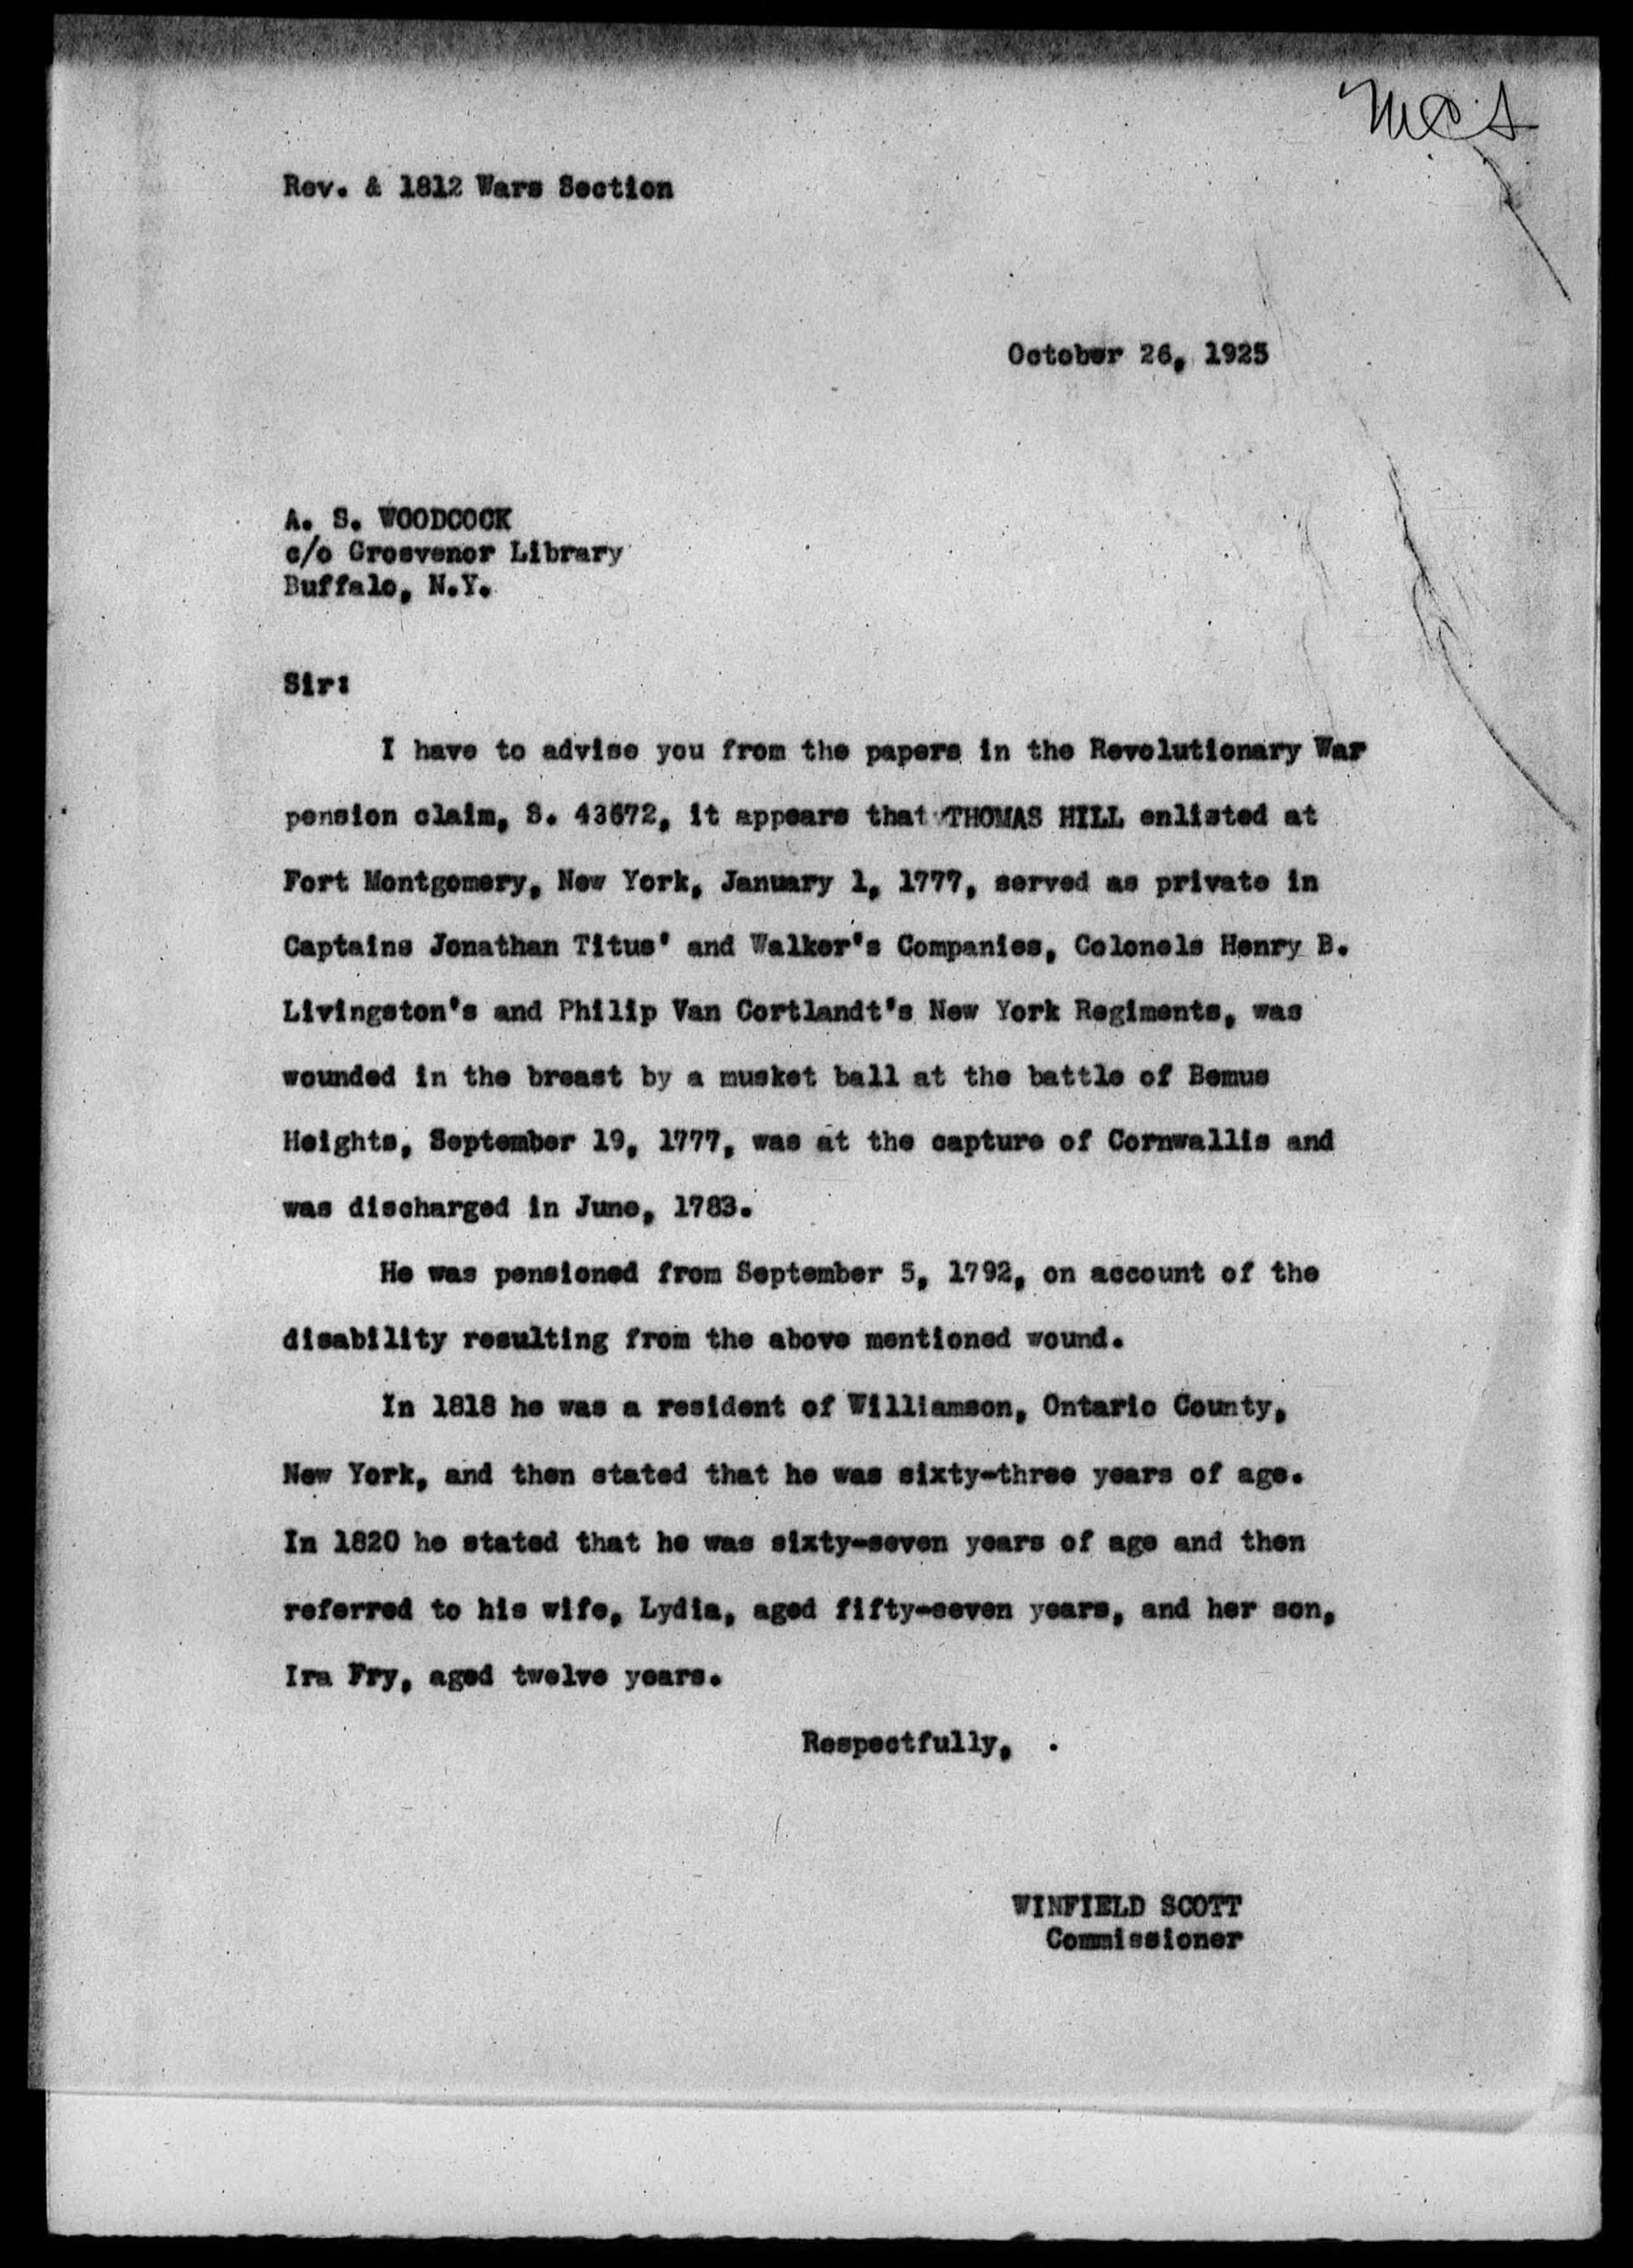MCS [Written in pen at top right]

Rev. & 1812 Wars Section

October 26, 1925

A. S. WOODCOCK
c/o Grosvenor Library
Buffalo, N.Y.

Sir:

I have to advise you from the papers in the Revolutionary War pension claim, S. 43672, it appears that THOMAS HILL enlisted at Fort Montgomery, New York, January 1, 1777, served as private in Captains Jonathan Titus' and Walker's Companies, Colonels Henry B. Livingston's and Philip Van Contlandt's New York Regiments, was wounded in the breast by a musket ball at the battle of Bemus Heights, September 19, 1777, was at the capture of Cornwallis and was discharged in June 1783.

He was pensioned from September 5, 1792, on account of the disability resulting from the above mentioned wound.

In 1818 he was a resident of Williamson, Ontario County, New York, and then stated that he was sixty-three years of age. In 1820 he stated that he was sixty-seven years of age and the referred to his wife, Lidia, aged fifty-seven years, and her son, Ira Fry, aged twelve years.

Respectfully,

WINFIELD SCOTT
Commissioner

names: Winfield Scott, Lydia, A S Woodcock, Thomas Hill, Ira Fry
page: 29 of 31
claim: survivor's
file: S. 43672, Thomas Hill, New York